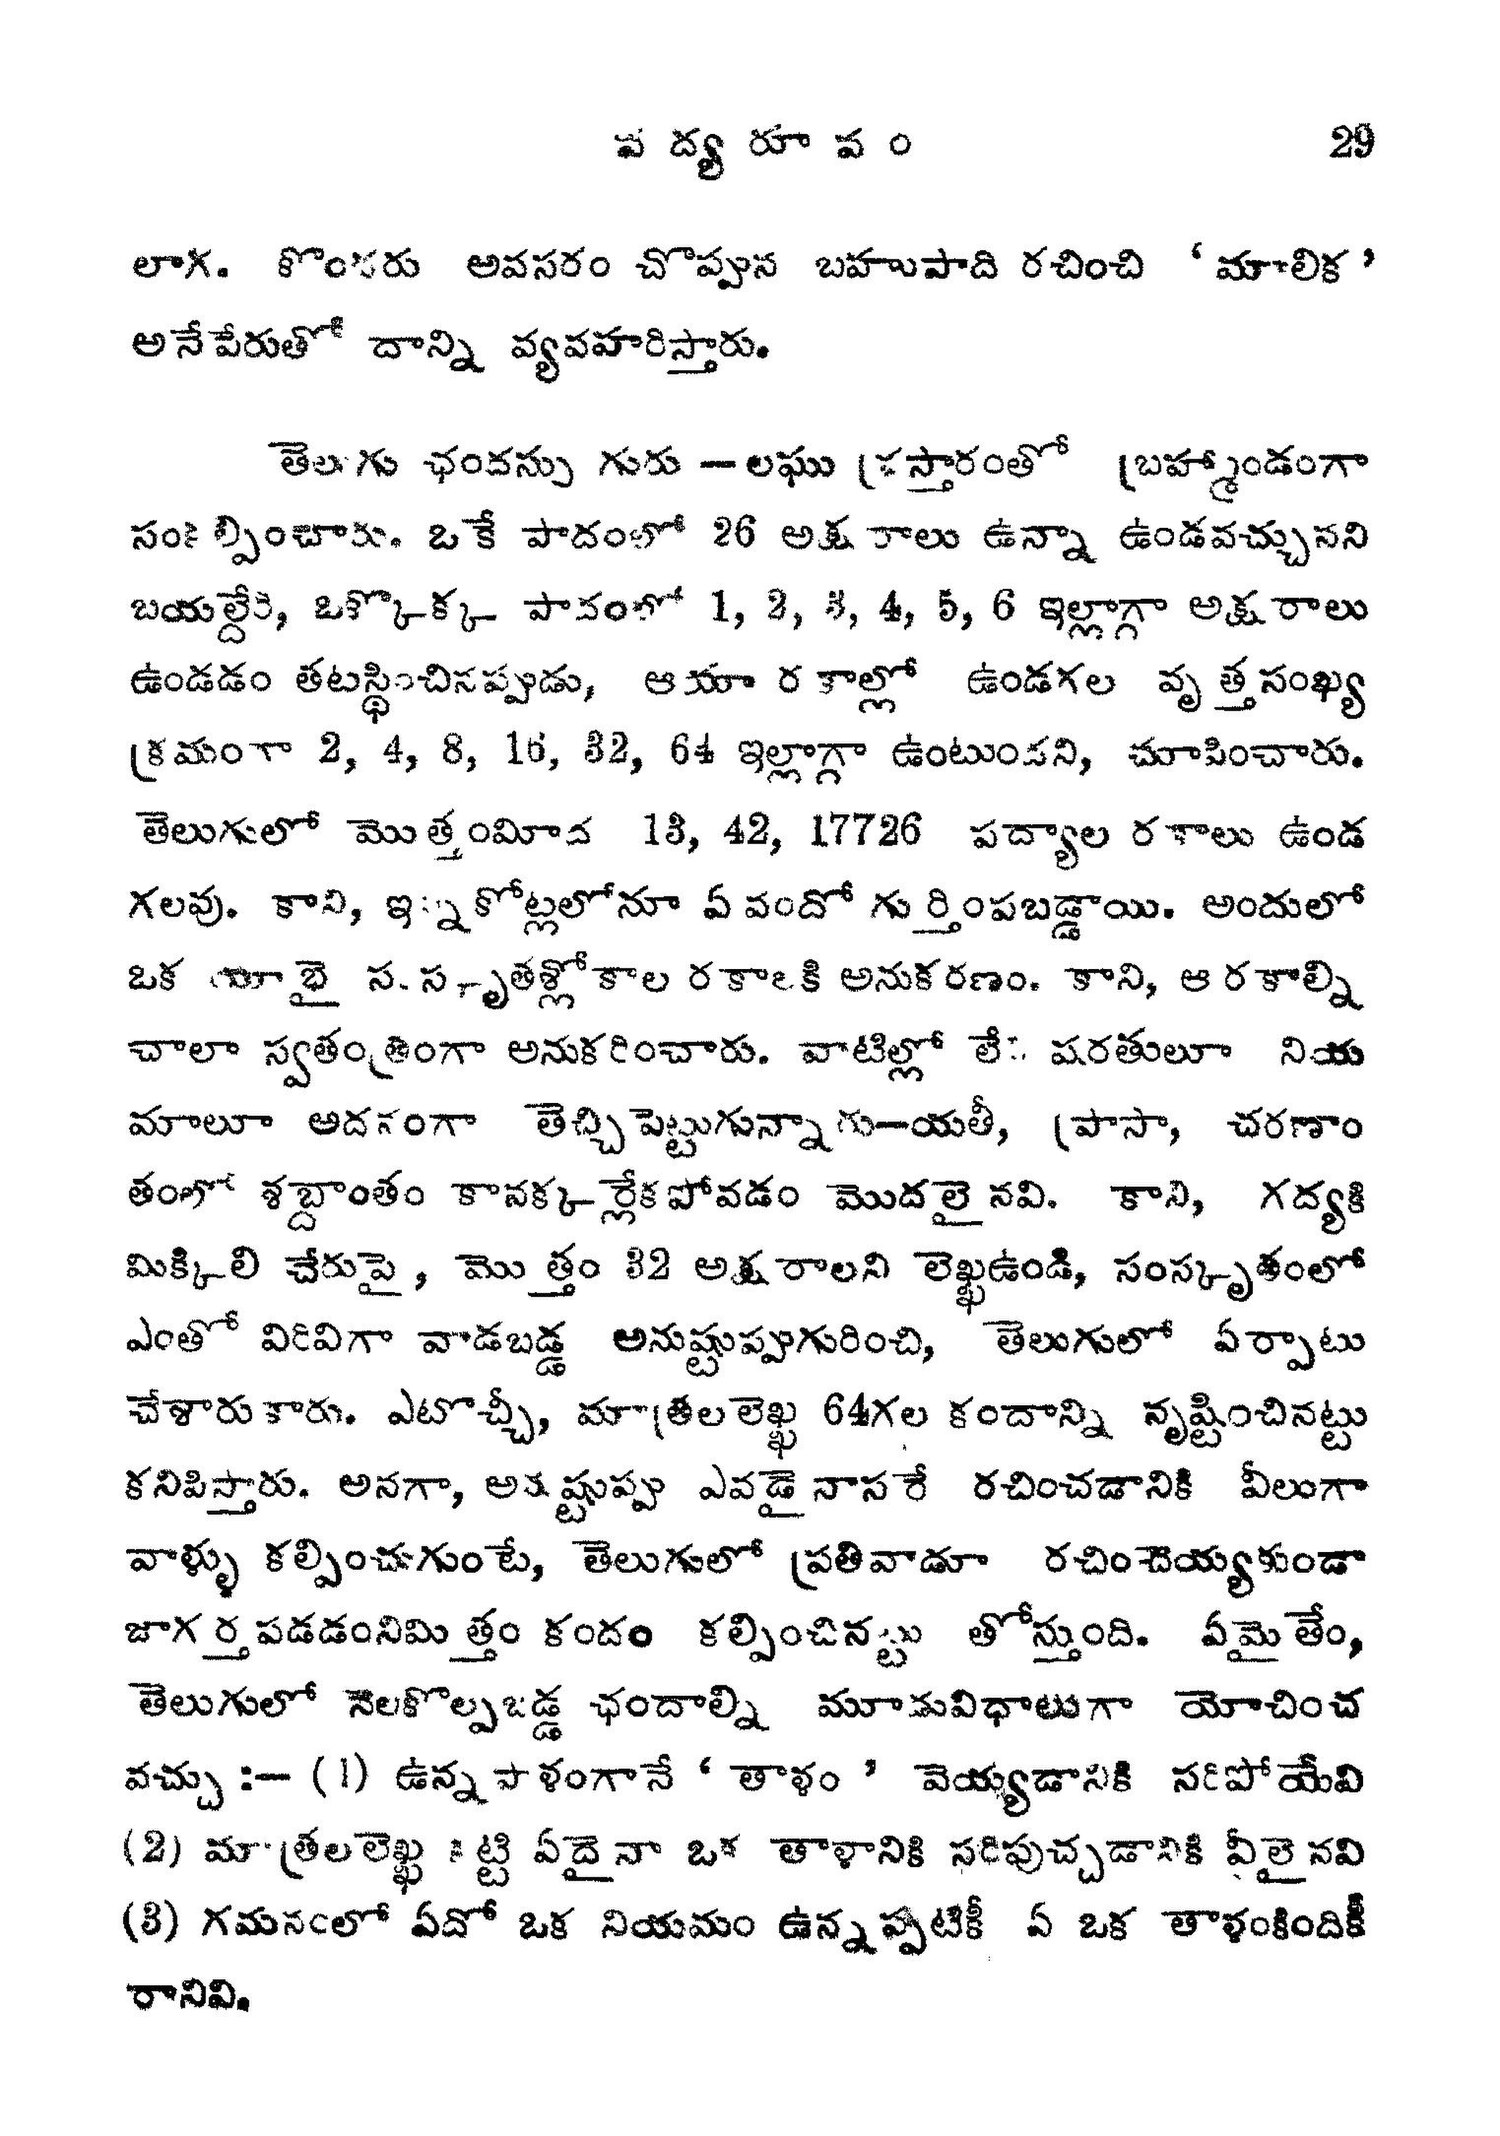లాగ. కొందరు అవసరం చొప్పున బహుపాది రచించి 'మాలిక '
అనేపేరుతో దాన్ని వ్యవహరిస్తారు.

తెలుగు ఛందస్సు గురు – లఘు ప్రస్తారంతో బ్రహ్మాండంగా
సంకల్పించారు. ఒకే పాదంలో 26 అక్షరాలు ఉన్నా ఉండవచ్చునని
బయల్దేరి, ఒక్కొక్క పాదంలో 1, 2, 3, 4, 5, 6 ఇల్లాగ్గా అక్షరాలు
ఉండడం తటస్థించినప్పుడు, ఆయా రకాల్లో ఉండగల వృత్తసంఖ్య
క్రమంగా 2, 4, 8, 16, 32, 64 ఇల్లాగ్గా ఉంటుందని, చూపించారు.
తెలుగులో మొత్తంమీద 13, 42, 17726 పద్యాల రకాలు ఉండ
గలవు. కాని, ఇన్నికోట్లలోనూ ఏ వందో గుర్తింపబడ్డాయి. అందులో
ఒక యాభై సంస్కృతశ్లోకాల రకాలకి అనుకరణం. కాని, ఆరకాల్ని
చాలా స్వతంత్రంగా అనుకరించారు. వాటిల్లో లేని షరతులూ నియ
మాలూ అదనంగా తెచ్చిపెట్టుగున్నారు-యతీ, ప్రాసా, చరణాం
తంలో శబ్దాంతం కానక్కర్లేకపోవడం మొదలైనవి. కాని, గద్యకి
మిక్కిలి చేరుపై, మొత్తం 32 అక్షరాలని లెఖ్ఖఉండి, సంస్కృతంలో
ఎంతో విరివిగా వాడబడ్డ అనుష్టుప్పుగురించి, తెలుగులో ఏర్పాటు
చేశారుకారు. ఎటొచ్చీ, మాత్రలలెఖ్ఖ 64గల కందాన్ని సృష్టించినట్టు
కనిపిస్తారు. అనగా, అనుష్టుప్పు ఎవడైనాసరే రచించడానికి వీలుగా
వాళ్ళు కల్పించుగుంటే, తెలుగులో ప్రతివాడూ రచించెయ్యకుండా
జాగర్తపడడంనిమిత్తం కందం కల్పించినట్టు తోస్తుంది. ఏమైతేం,
తెలుగులో నెలకొల్పబడ్డ ఛందాల్ని మూడువిధాలుగా యోచించ
వచ్చు :- (1) ఉన్న పాళంగానే 'తాళం' వెయ్యడానికి సరిపోయేవి
(2) మాత్రలలెఖ్ఖ కట్టి ఏదైనా ఒక తాళానికి సరిపుచ్చడానికి వీలైనవి
(3) గమనంలో ఏదో ఒక నియమం ఉన్నప్పటికీ ఏ ఒక తాళంకిందికీ
రానివి.